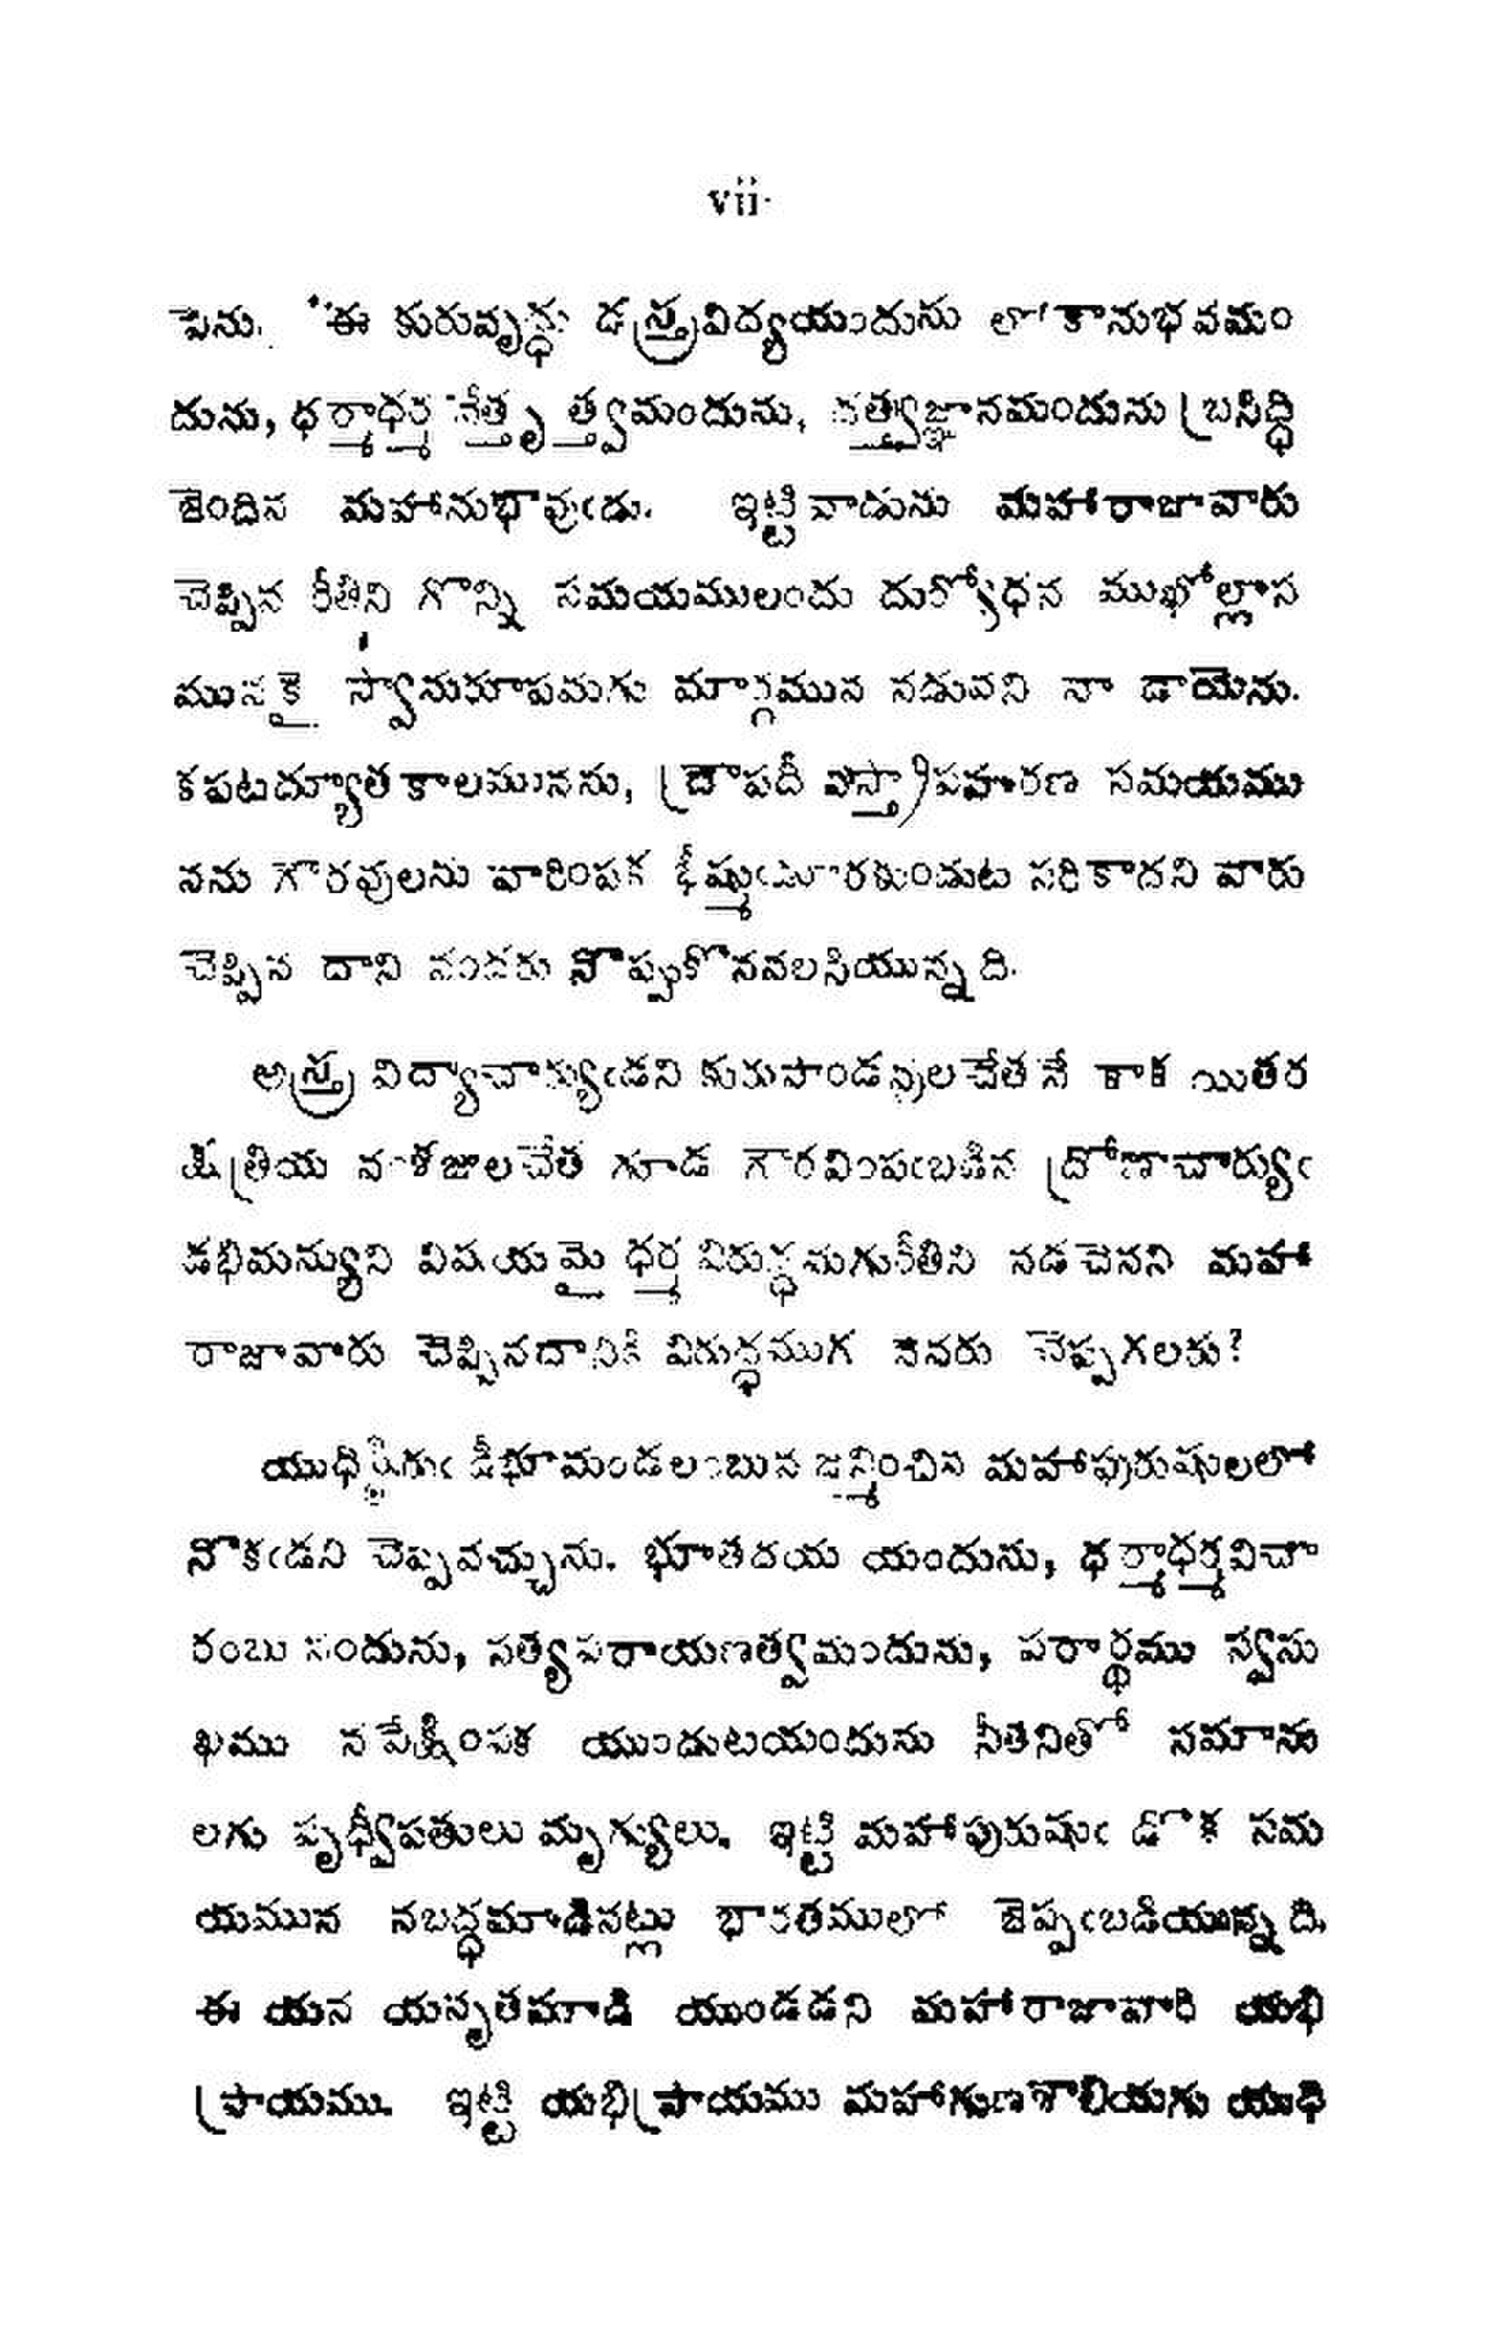పెను. "ఈ కురువృద్ధు డస్త్రవిద్యయందును లోకానుభవమందును, ధర్మాధర్మనేత్తృత్త్వమందును, దత్త్వజ్ఞానమందును బ్రసిద్ధి జెందిన మహానుభావుఁడు. ఇట్టివాడును మహారాజావారు చెప్పిన రీతిని గొన్ని సమయములందు దుర్యోధన ముఖోల్లాసమునకై స్వానురూపమగు మార్గమున నడువని వా డాయెను. కపటద్యూత కాలమునను, ద్రౌపదీ వాస్త్రాపహరణ సమయమునను గౌరవులను వారింపక భీష్ముఁడూరకుండుట సరికాదని వారు చెప్పిన దాని నందరు నొప్పుకొనవలసియున్న ది.

అస్త్ర విద్యాచార్యుఁడని కురుపాండవులచేతనే కాక యితర క్షత్రియ వంశజులచేత గూడ గౌరవింపఁబడిన ద్రోణాచార్యుఁ డభిమన్యుని విషయమై ధర్మ విరుద్ధమగురీతిని నడచెనని మహారాజా వారు చెప్పినదానికి విరుద్ధముగ నెవరు చెప్పగలరు ?

యుధిష్టిరుఁ డీభూమండలంబున జన్మించిన మహాపురుషులలో నొకఁడని చెప్పవచ్చును. భూతదయ యందును, ధర్మాధర్మవిచారంబు నందును, సత్యపరాయణత్వమందును, పరార్థము స్వసుఖము నపేక్షింపక యుండుటయందును నీతనితో సమానులగు పృధ్వీపతులు మృగ్యులు, ఇట్టి మహాపురుషుఁ డొక సమయమున నబద్ధమాడినట్లు భారతములో జెప్పఁబడియున్న ది. ఈ యన యనృతమాడి యుండడని మహారాజావారి యభిప్రాయము. ఇట్టి యభిప్రాయము మహాగుణశాలియగు యుధి